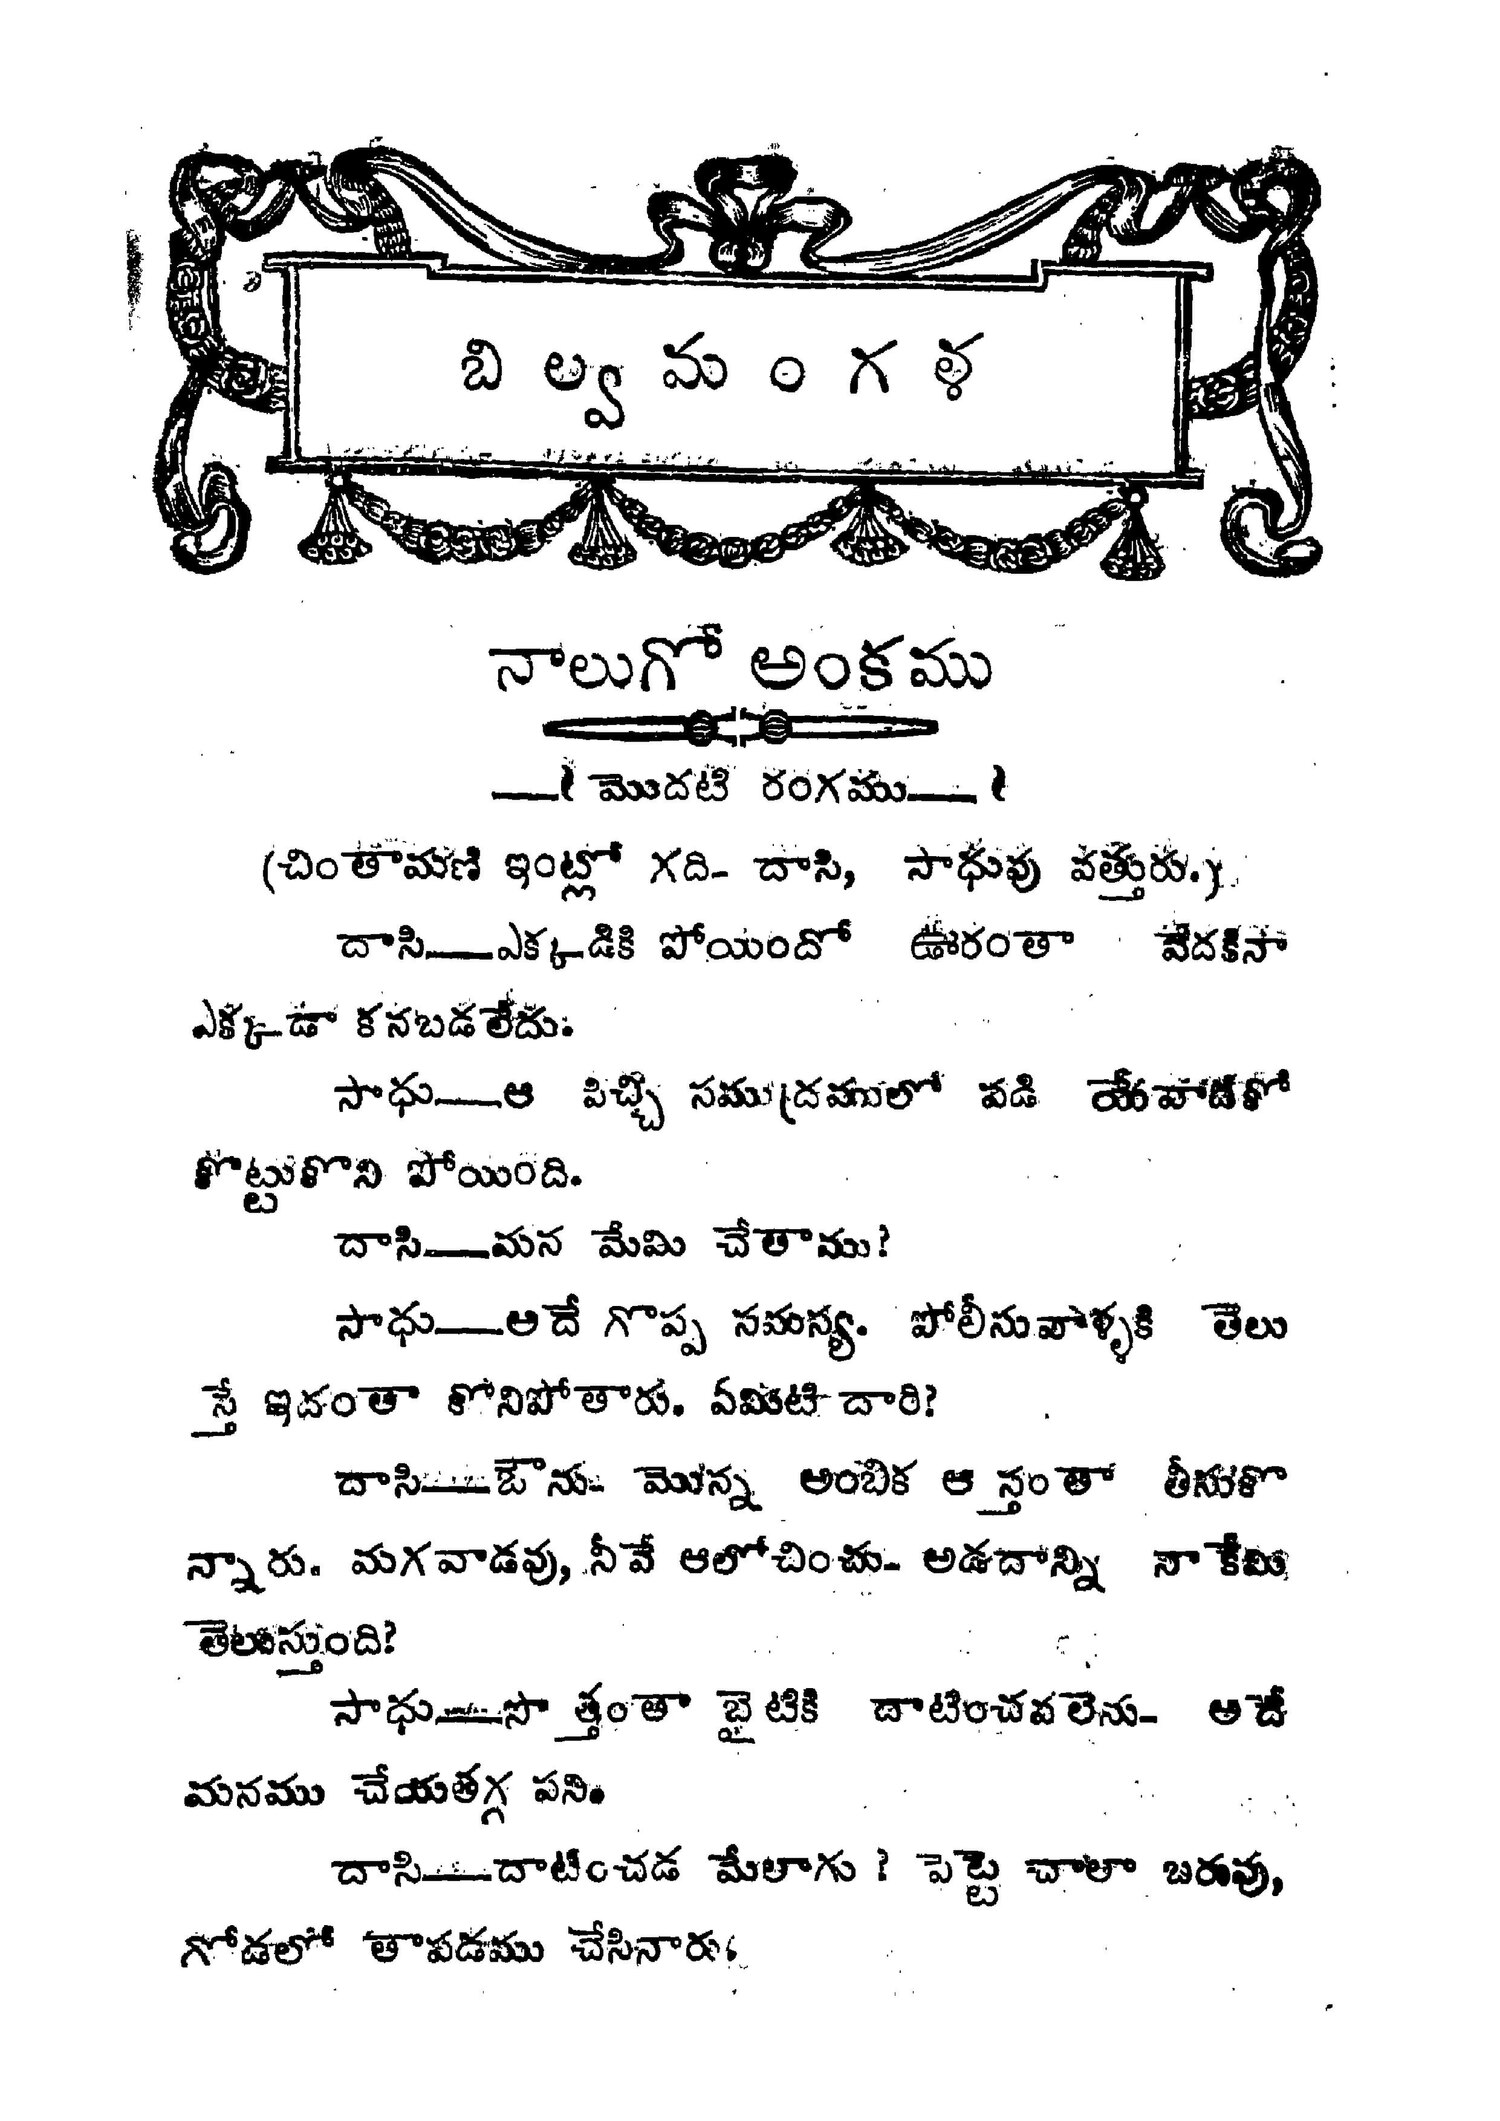దాసి - ఎక్కడికి పోయిందో ఊరంతా వెదకినా ఎక్కడా కనబడలేదు.

సాధు - ఆ పిచ్చి సముద్రములో పడి యేవాడకో కొట్టుకొని పోయింది.

దాసి - మన మేమి చేతాము?

సాధు - అదే గొప్ప సమస్య. పోలీసువాళ్ళకి తెలుస్తే ఇదంతా కొనిపోతారు. ఏమిటి దారి?

దాసి - ఔను. మొన్న అంబిక ఆస్తంతా తీసుకొన్నారు. మగవాడవు, నీవే ఆలోచించు - ఆడదాన్ని నాకేమి తెలుస్తుంది?

సాధు - సొత్తంతా బైటికి దాటించవలెను - అదే మనము చేయతగ్గ పని.

దాసి - దాటించడ మేలాగు? పెట్టె చాలా బరువు, గోడలో తాపడము చేసినారు.